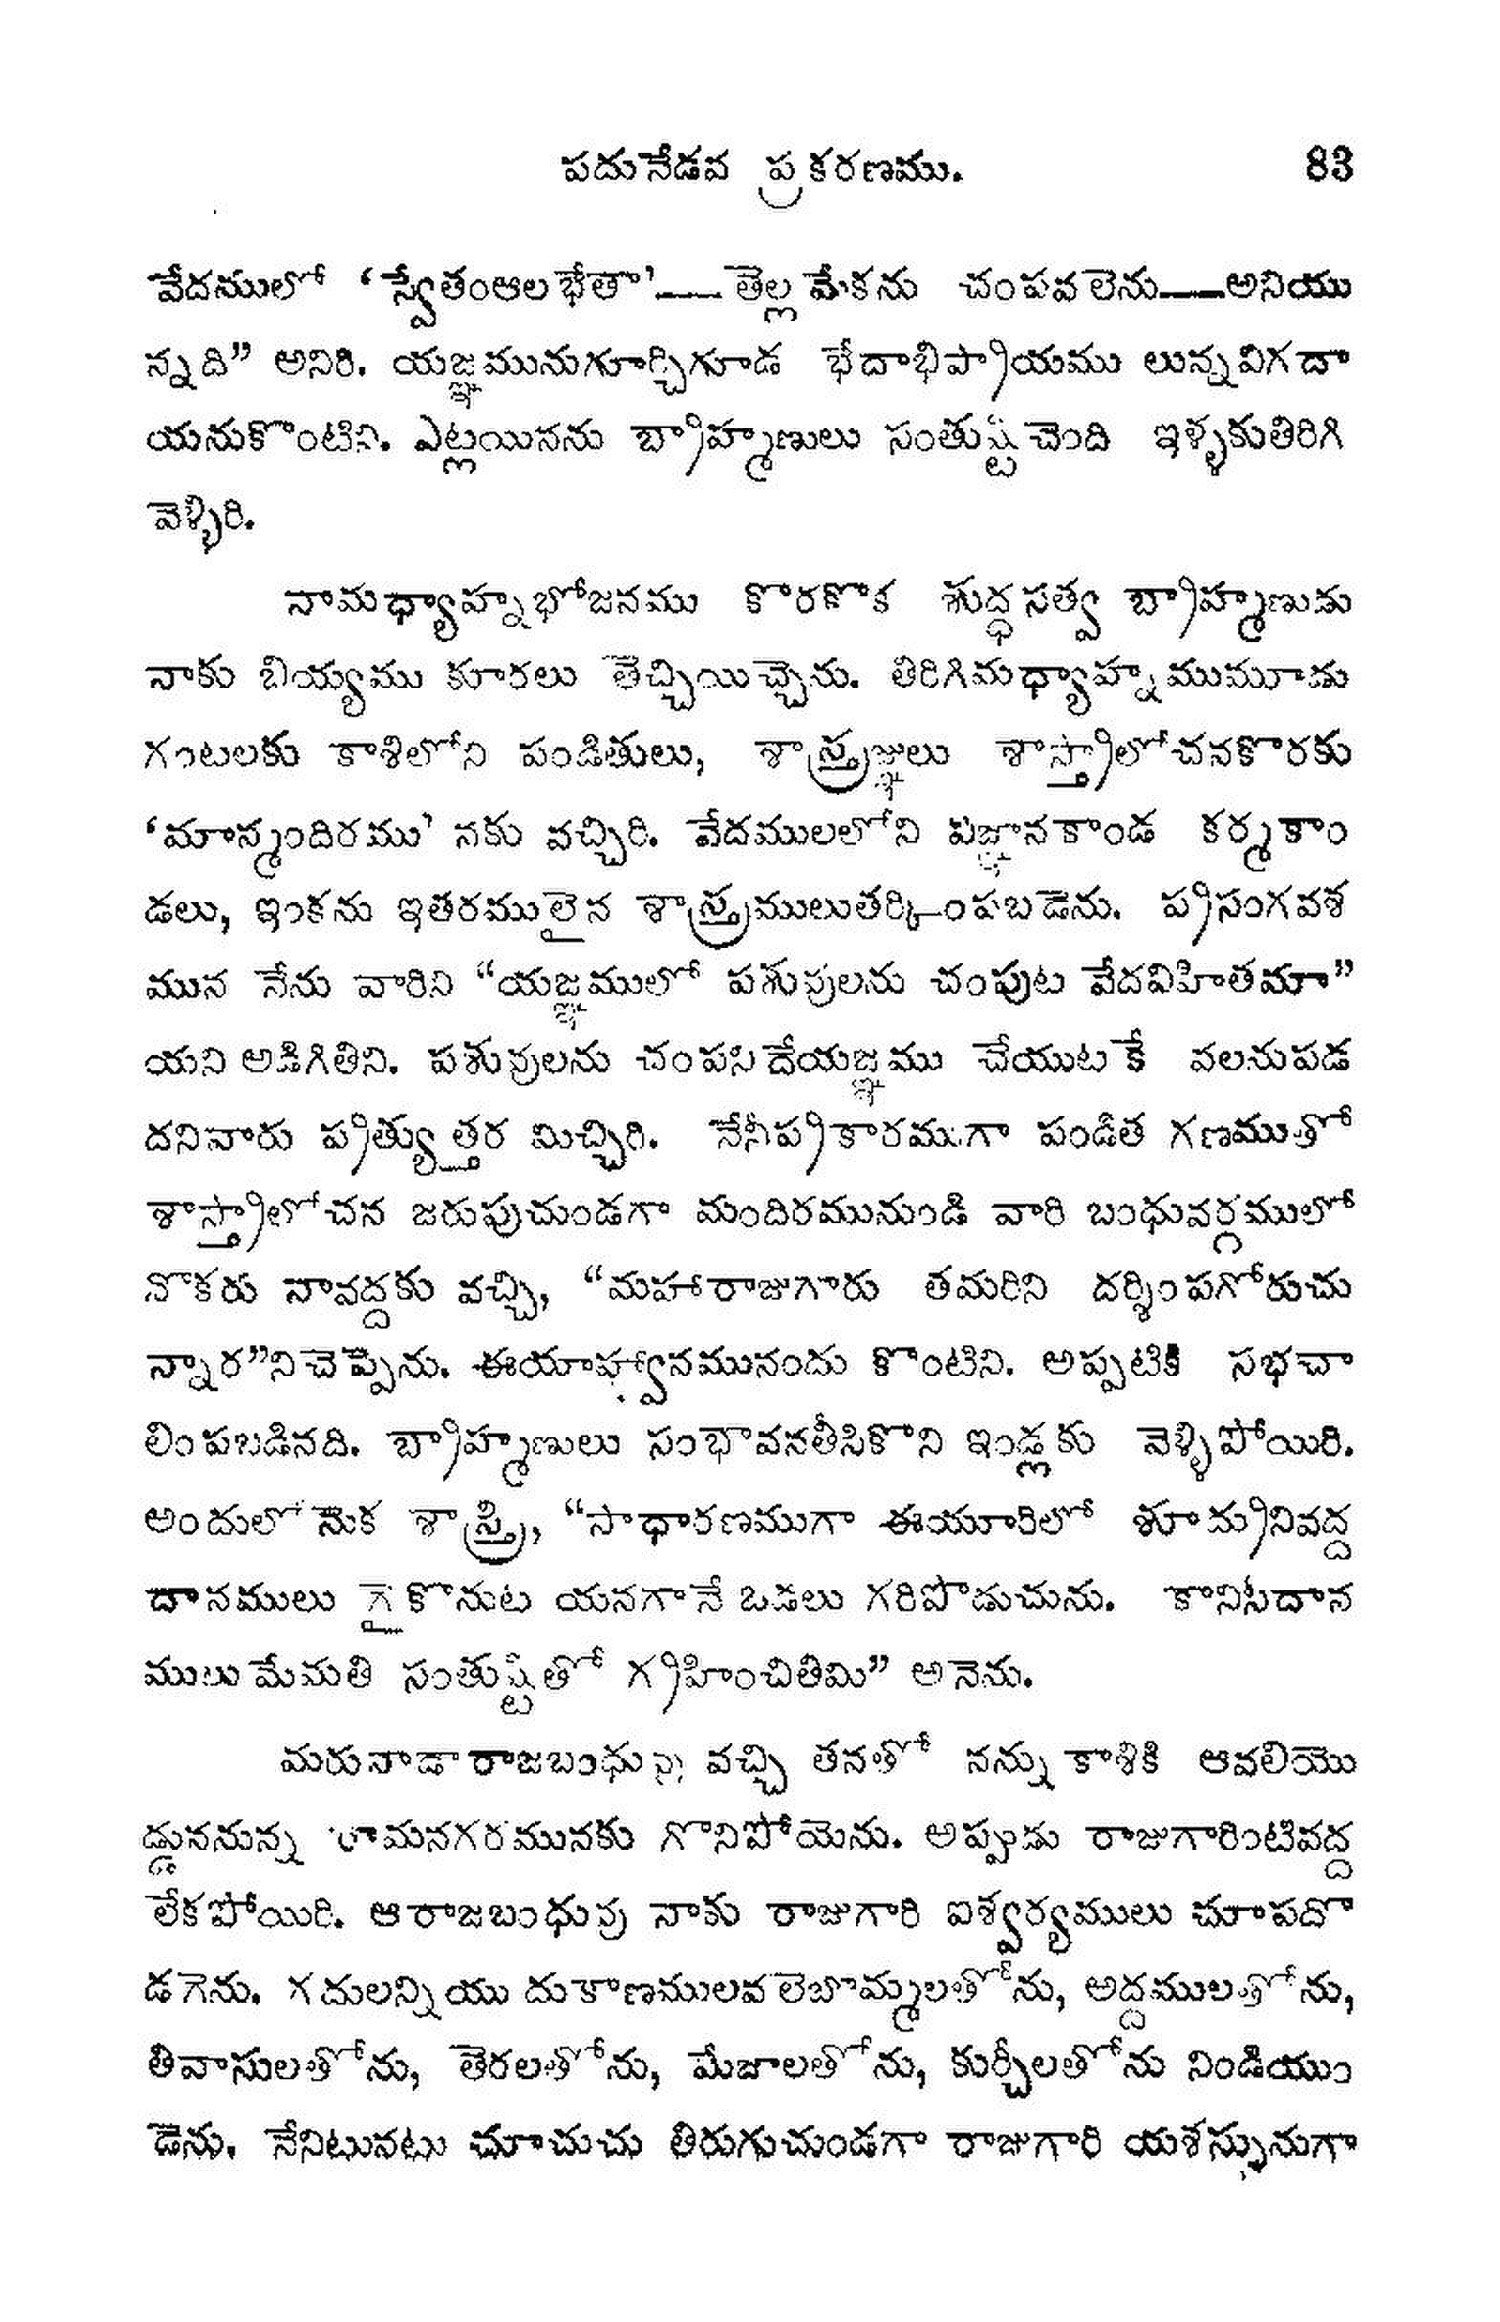వేదములో “ స్వేతం ఆల భేతా"... తెల్ల మేకను చంపవలెను.--అని
యున్నది” అనిరి. యజ్ఞమును గూర్చిగూడ భేదాభిఫాయము లున్నవిగదా
యనుకొంటిని. ఎట్లయినను బాహ్మణులు సంతుష్ట చెంది ఇళ్ళకు తిరిగి
వెళ్లిరి.

నామధ్యాహ్న భోజనము కొరకొక శుద్ధ సత్వ బాహ్మణుడునాకు బియ్యము 
కూరలు తెచ్చియిచ్చెను. తిరిగి మధ్యాహ్నము మూడుగంటలకు 'కాశిలోని 
పండితులు, శాస్త్రజ్ఞులు శాస్త్రాలోచన కొరకు మాన్మందిరము వచ్చిరి.
వేదములలోని విజ్ఞాన కాండ కర్మకాండలు, ఇంకను ఇతరములైన శాస్త్రములు తర్కింపబడెను. ప్రసంగవశమున నేను వారిని "యజ్ఞములో పశువులను చంపుట వేదవిహితమా” యని అడిగితిని. పశువులను చంపనిదే యజ్ఞము
చేయుటకే వలనుపడ దనివారు ప్రత్యుత్తర మిచ్చిరి. నేనీ ప్రకారముగా పండిత 
గణముతో శాస్త్రాలోచన జరుపుచుండగా మందిరమునుండి వారి బంధు
వర్గములోనొకరు నావద్దకు వచ్చి, “మహా రాజుగారు తమరిని దర్శింపగోరుచు
న్నార”ని చెప్పెను. ఈ యాహ్వానమునందు కొంటిని. అప్పటికి సభచాలింప 
బడినది. బాహ్మణులు సంభావన తీసికొని ఇండ్లకు వెళ్ళి పోయిరి.అందులో 
ఒక శాస్త్రి, “సాధారణముగా ఈయూరిలో శూద్రునివద్దదానములు గైకొనుట 
యనగానే ఒడలు గరిపొడుచును. కానినీదానములు మేమతి సంతుష్టితో 
గ్రహించితిమి” అనెను.

మరునాడా రాజబంధువు వచ్చి తనతో నన్ను కాశికి ఆవలియుడ్డున 
నున్న 'ఆమనగరమునకు గొనిపోయెను. అప్పుడు రాజుగారింటి వద్ద
లేకపోయిరి. ఆ రాజ బుధువు నాకు రాజుగారి ఐశ్వర్యములు చూపదొ
డగెను. గదులన్నియు దుకాణములవలే బొమ్మలతోను, అద్దములను,
తివాసులతోను, తెరలతోను, మేజాలతోను, కుర్చీలతోను నిండియు
డెను. నేనిటునటు చూచుచు తిరుగుచుండగా రాజుగారీ యశస్సునుగా